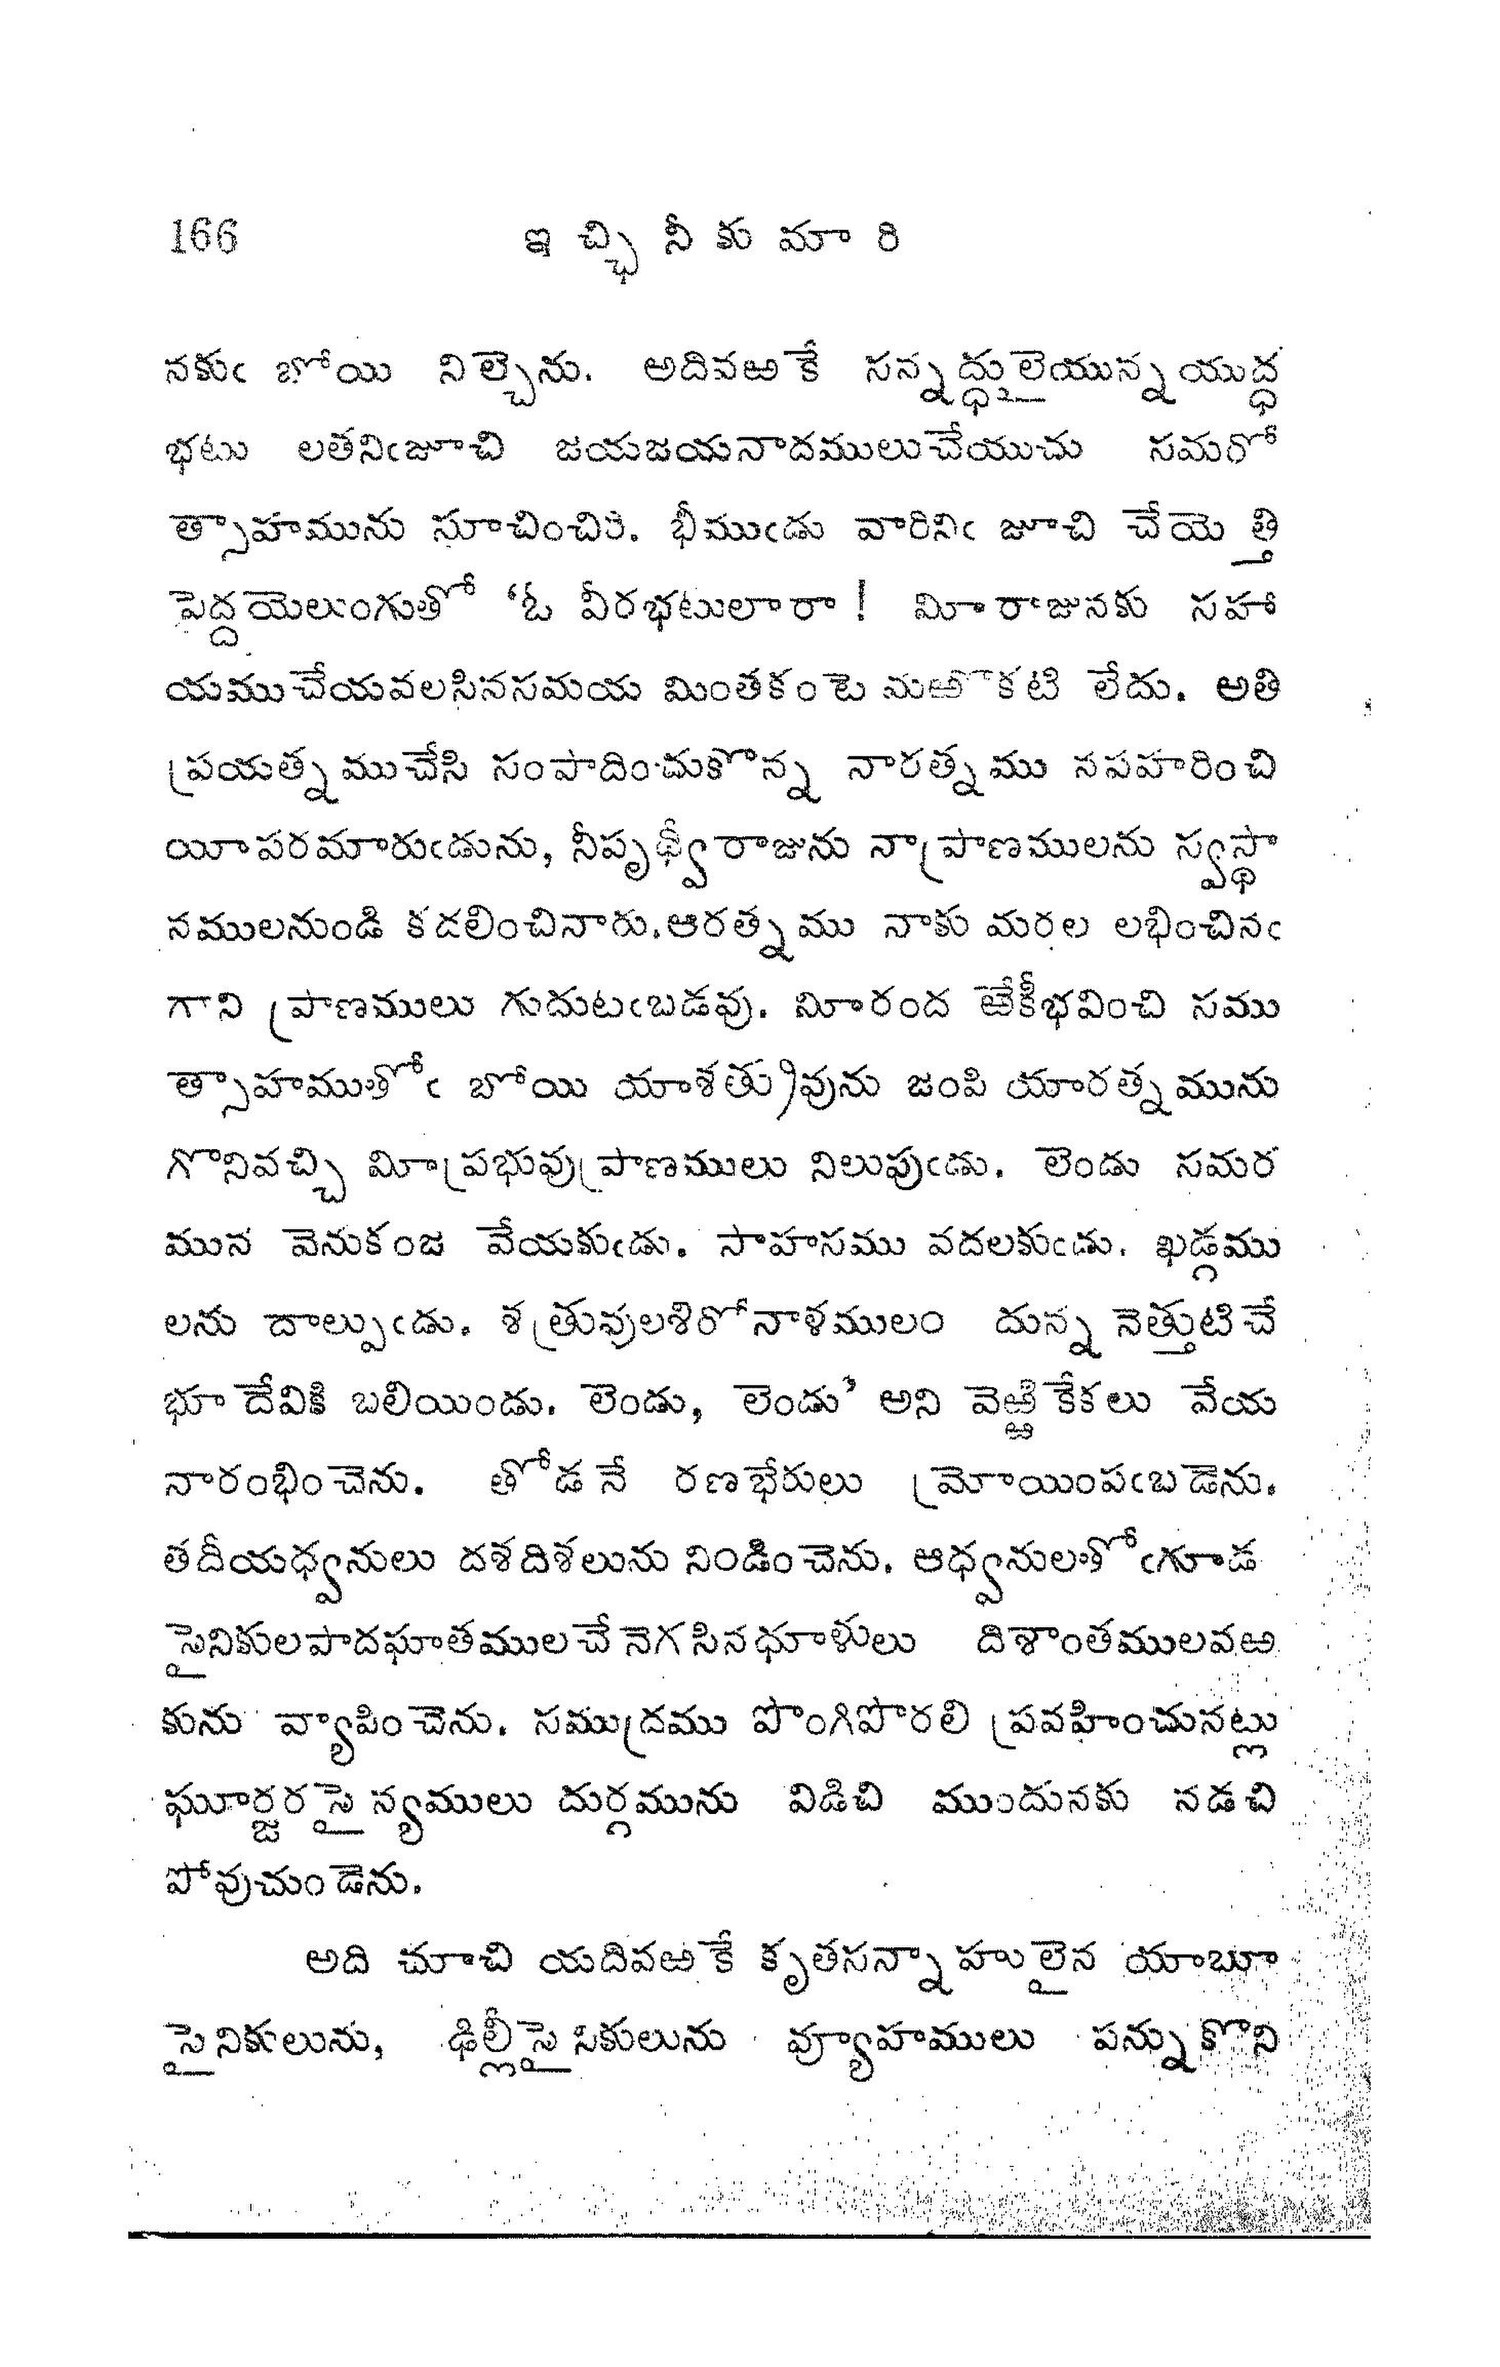నకుఁ జోయి నిల్చెను. అదివటికే సన్నద్ధు లైయున్న యుద్ధ
భటు లతనిఁజూచి జయజయనాదములు చేయుచు సమరో
త్సాహమును సూచించిరి. భీముఁడు వారినిఁ జూచి చేయెత్తి
పెద్ద యెలుంగుతో “ఓ వీరభటులారా ! మీరాజునకు సహా
యము చేయవలసిన సమయ మింతకంటే మఱొకటి లేదు. అతి
ప్రయత్నము చేసి సంపాదించుకొన్న నారత్నము సపహరించి
యీపరమారుఁడును, నీపృథ్వీరాజును నా ప్రాణములను స్వస్థా
నములనుండి కడలించినారు. ఆరత్నము నాకు మరల లభించినఁ
గాని ప్రాణములు గుదుటఁబడవు. మీరంద జేకీభవించి సము
త్సాహముతోఁ బోయి యాశత్రువును జంపి యారత్నమును
గొనివచ్చి మీ ప్రభువు ప్రాణములు నిలుపుఁడు. లెండు సమర
మున వెనుకంజ వేయకుఁడు. సాహసము వదలకుఁడు. ఖడ్గము
లను దాల్పుఁడు. శత్రువులశిరో నాళములం దున్న నెత్తుటి చే
భూ దేవికి బలియిండు. రెండు, లెండు' అని వెర్రి కేకలు వేయ
నారంభిం చెను. తోడ నే రణ భేరులు మ్రోయింపఁబడెను.
తదీయధ్వనులు దశ దిశలును నిండించెను. ఆధ్వనులతోఁగూడ
సైనికుల పాదఘాతములచే నెగ సినధూళులు దిశాంతములవటి
కును వ్యాపించెను. సముద్రము పొంగిపొరలి ప్రవహించునట్లు
ఘూర్జర పై న్యములు దుర్గమును విడిచి ముందునకు నడచి
పోవుచుండెను.

అది చూచి యదివఱకే కృతసన్నాహు లైన 'యాబూ
సైనికులును, ఢిల్లీ సైనికులును ' వ్యూహములు పన్ను కొని